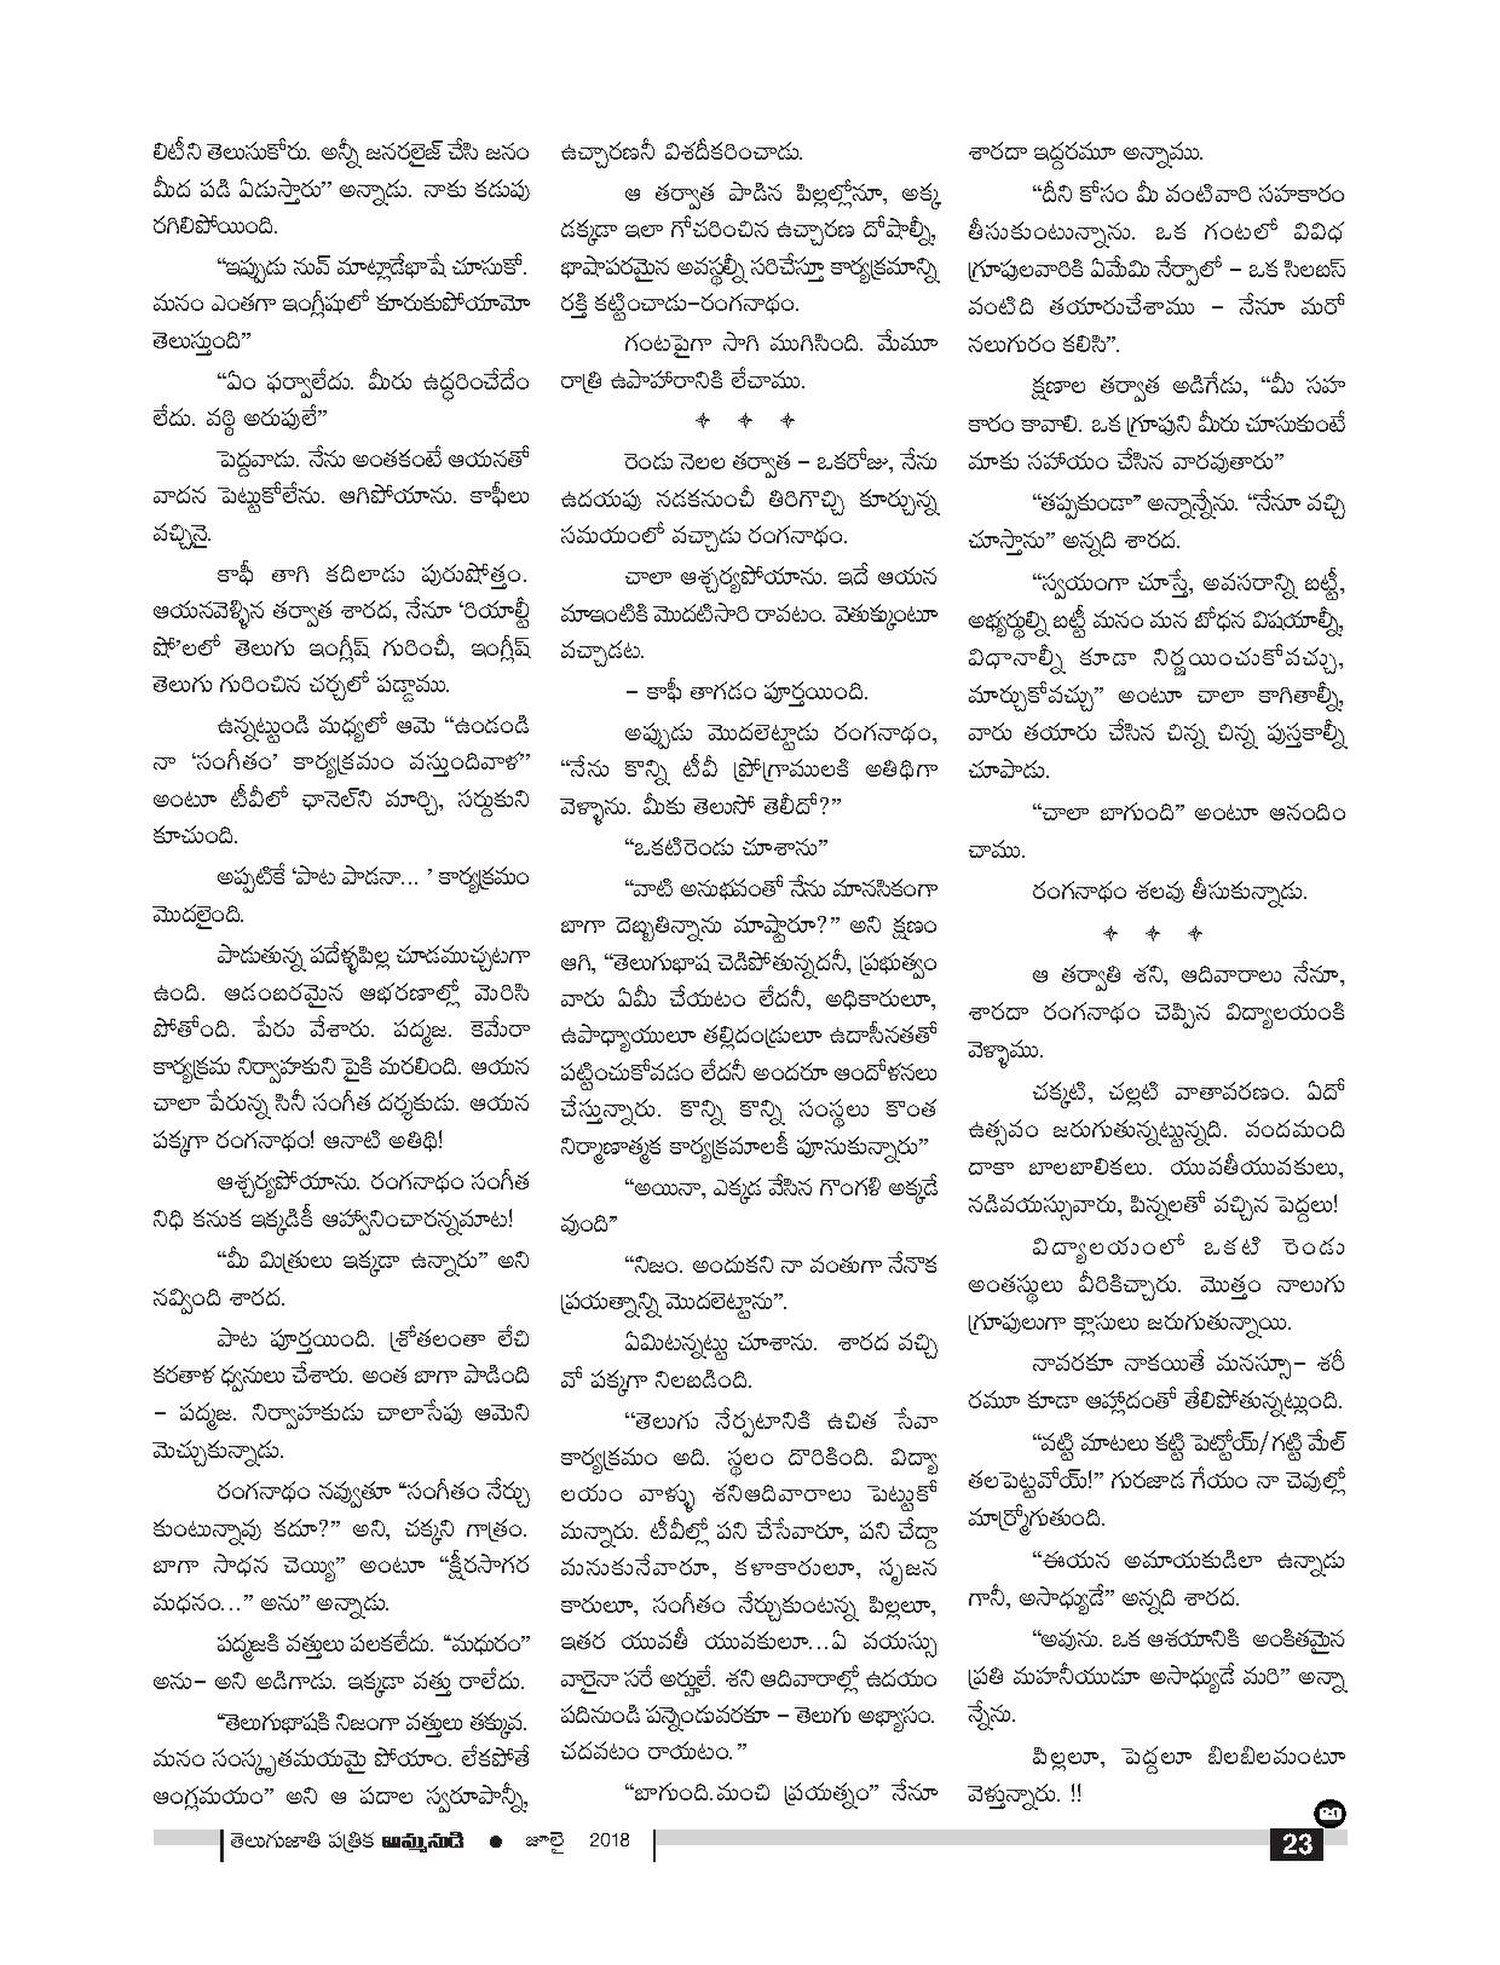లిటీని తెలుసకోరు. అన్నీ జనరలైజ్‌ చేసి జనం మీద పడి ఏడుస్తారు” అన్నాడు. నాకు కడువు
రగిలిపోయింది.

“ఇప్పుడు నువ్‌ మాట్లాడేభాషే చూసుకో. మనం ఎంతగా ఇంగ్లీషులో కూరుకుపోయామో
తెలుస్తుంది”

“ఏం ఫర్వాలేదు. మీరు ఉద్ధరించేదేం లేదు. వఠ్ఠి అరుపులే”

పెద్దవాడు. నేను అంతకంటే ఆయనతో వాదన పెట్టుకోలేను. ఆగిపోయాను. కాఫీలు వచ్చినై.

కాఫీ తాగి కదిలాడు పురుషోత్తం. ఆయనవెళ్ళిన తర్వాత శారద, నేనూ 'రియాల్టీ షో'లలో తెలుగు ఇంగ్లీష్‌ గురించీ, ఇంగ్లీష్‌ తెలుగు గురించిన చర్చలో పడ్డాము.

ఉన్నట్టుండి మధ్యలో ఆమె “ఉండండి నా 'సంగీతం' కార్యక్రమం వస్తుందివాళ” అంటూ టీవీలో ఛానెల్‌ని మార్చి, సర్ఫుకుని కూచుంది.

అప్పటికే 'పాట పాడనా... ' కార్యక్రమం మొదలైంది.

పాడుతున్న పదేళ్ళపిల్ల చూడముచ్చటగా ఉంది. ఆడంబరమైన ఆభరణాల్లో మెరిసి పోతోంది. పేరు వేశారు. పద్మజ. కెమేరా కార్యక్రమ నిర్వాహకుని పైకి మరలింది. ఆయన చాలా పేరున్న సినీ సంగీత దర్శకుడు. ఆయన పక్కగా రంగనాథం! ఆనాటి అతిథి!

ఆశ్చర్యపోయాను. రంగనాథం సంగీత నిధి కనుక ఇక్కడికీ ఆహ్వానించారన్నమాట!

“మీ మిత్రులు ఇక్కడా ఉన్నారు” అని నవ్వింది శారద.

పాట పూర్తయింది. శ్రోతలంతా లేచి కరతాళ ధ్వనులు చేశారు. అంత బాగా పాడింది - పద్మజ. నిర్వాహకుడు చాలాసేపు ఆమెని మెచ్చుకున్నాడు.

రంగనాథం నవ్వుతూ “సంగీతం నేర్చుకుంటున్నావు కదూ?” అని, చక్కని గాత్రం. బాగా సాధన చెయ్యి” అంటూ “క్షీరసాగర మధనం...” అను” అన్నాడు.

పద్మజకి వత్తులు పలకలేదు. “మధురం” అను- అని అడిగాడు. ఇక్కడా వత్తు రాలేదు.

“తెలుగుభాషకి నిజంగా వత్తులు తక్కువ. మనం సంస్కృతమయమై పోయాం. లేకపోతే
ఆంగ్లమయం” అని ఆ పదాల స్వరూపాన్నీ ఉచ్చారణనీ విశదీకరించాడు.

ఆ తర్వాత పాడిన పిల్లల్లోనూ, అక్కడక్కడా ఇలా గోచరించిన ఉచ్చారణ దోషాల్నీ, భాషాపరమైన అవస్థల్నీ సరిచేస్తూ కార్యక్రమాన్ని రక్తి కట్టించాడు-రంగనాథం.

గంటపైగా సాగి ముగిసింది. మేమూ రాత్రి ఉపాహారానికి లేచాము.

రెండు నెలల తర్వాత - ఒకరోజు, నేను ఉదయపు నడకనుంచీ తిరిగొచ్చి కూర్చున్న సమయంలో వచ్చాడు రంగనాథం.

చాలా ఆశ్చర్యపోయాను. ఇదే ఆయన మాఇంటికి మొదటిసారి రావటం. వెతుక్కుంటూ వచ్చాడట.

- కాఫీ తాగడం పూర్తయింది.

అప్పుడు మొదలెట్టాడు రంగనాథం, “నేను కొన్ని టీవీ ప్రోగ్రాములకి అతిథిగా వెళ్ళాను. మీకు తెలుసో తెలీదో?”

“ఒకటిరెండు చూశాను”

“వాటి అనుభవంతో నేను మానసికంగా బాగా దెబ్బతిన్నాను మాష్టారూ?” అని క్షణం ఆగి, “తెలుగుభాష చెడిపోతున్నదనీ, ప్రభుత్వం వారు ఏమీ చేయటం లేదనీ, అధికారులూ,
ఉపాధ్యాయులూ తల్లిదండ్రులూ ఉదాసీనతతో పట్టించుకోవడం లేదనీ అందరూ ఆందోళనలు చేస్తున్నారు. కొన్ని కౌన్ని సంస్థలు కొంత నిర్మాణాత్మక కార్యక్రమాలకీ పూనుకున్నారు”

“అయినా, ఎక్కడ వేసిన గొంగళి అక్కడే వుంది"

“నిజం. అందుకని నా వంతుగా నేనొక ప్రయత్నాన్ని మొదలెట్టాను”.

ఏమిటన్నట్టు చూశాను. శారద వచ్చి వో పక్కగా నిలబడింది.

“తెలుగు నేర్పటానికి ఉచిత సేవా కార్యక్రమం అది. స్థలం దొరికింది. విద్యాలయం వాళ్ళు శనిఆదివారాలు పెట్టుకోమన్నారు. టీవీల్లో పని చేసేవారూ, పని చేద్దామనుకునేవారూ, కళాకారులూ, నృజన కారులూ, సంగీతం నేర్చుకుంటన్న పిల్లలూ, ఇతర యువతీ యువకులూ...ఏ వయస్సు
వారైనా సరే అర్హులే. శని ఆదివారాల్లో ఉదయం పదినుండి పన్నెండువరకూ - తెలుగు అభ్యాసం.
చదవటం రాయటం.”

“బాగుంది.మంచి ప్రయత్నం” నేనూ శారదా ఇద్దరమూ అన్నాము.

“దీని కోసం మీ వంటివారి సహకారం తీసుకుంటున్నాను. ఒక గంటలో వివిధ గ్రూపులవారికి ఏమేమి నేర్పాలో - ఒక సిలబస్‌ వంటిది తయారుచేశాము - నేనూ మరో నలుగురం కలిసి”.

క్షణాల తర్వాత అడిగేడు, “మీ సహకారం కావాలి. ఒక గ్రూపుని మీరు చూసుకుంటే మాకు సహాయం చేసిన వారవుతారు”

“తప్పకుండా” అన్నాన్నేను. “నేనూ వచ్చి చూస్తాను” అన్నది శారద.

“స్వయంగా చూస్తే, అవసరాన్ని బట్టీ, అభ్యర్థల్ని బట్టీ మనం మన బోధన విషయాల్నీ విధానాల్నీ కూడా నిర్ణయించుకోవచ్చు, మార్చుకోవచ్చు” అంటూ చాలా కాగితాల్నీ వారు తయారు చేసిన చిన్న చిన్న పుస్తకాల్నీ చూపాడు.

“చాలా బాగుంది అంటూ ఆనందించాము.

రంగనాథం శలవు తీసుకున్నాడు.

ఆ తర్వాతి శని, ఆదివారాలు నేనూ, శారదా రంగనాథం చెప్పిన విద్యాలయంకి వెళ్ళాము.

చక్కటి, చల్లటి వాతావరణం. ఏదో ఉత్సవం జరుగుతున్నట్టున్నది. వందమంది దాకా బాలబాలికలు. యువతీయువకులు, నడివయస్సువారు, పిన్నలతో వచ్చిన పెద్దలు!

విద్యాలయంలో ఒకటి రెండు అంతస్థులు వీరికిచ్చారు. మొత్తం నాలుగు గ్రూపులుగా క్లాసులు జరుగుతున్నాయి.

నావరకూ నాకయితే మనస్సూ- శరీరమూ కూడా ఆహ్లాదంతో తేలిపోతున్నట్లుంది.

“వట్టి మాటలు కట్టి పెట్టోయ్‌/ గట్టీ మేల్‌ తలపెట్టవోయ్‌!” గురజాడ గేయం నా చెవుల్లో
మార్ర్మోగుతుంది.

“ఈయన అమాయకుడిలా ఉన్నాడు గానీ, అసాధ్యుడే” అన్నది శారద.

“అవును. ఒక ఆశయానికి అంకితమైన ప్రతి మహనీయుడూ అసాధ్యుడే మరి" అన్నా న్నేను.

పిల్లలూ, పెద్దలూ బిలబిలమంటూ వెళ్తున్నారు. !!